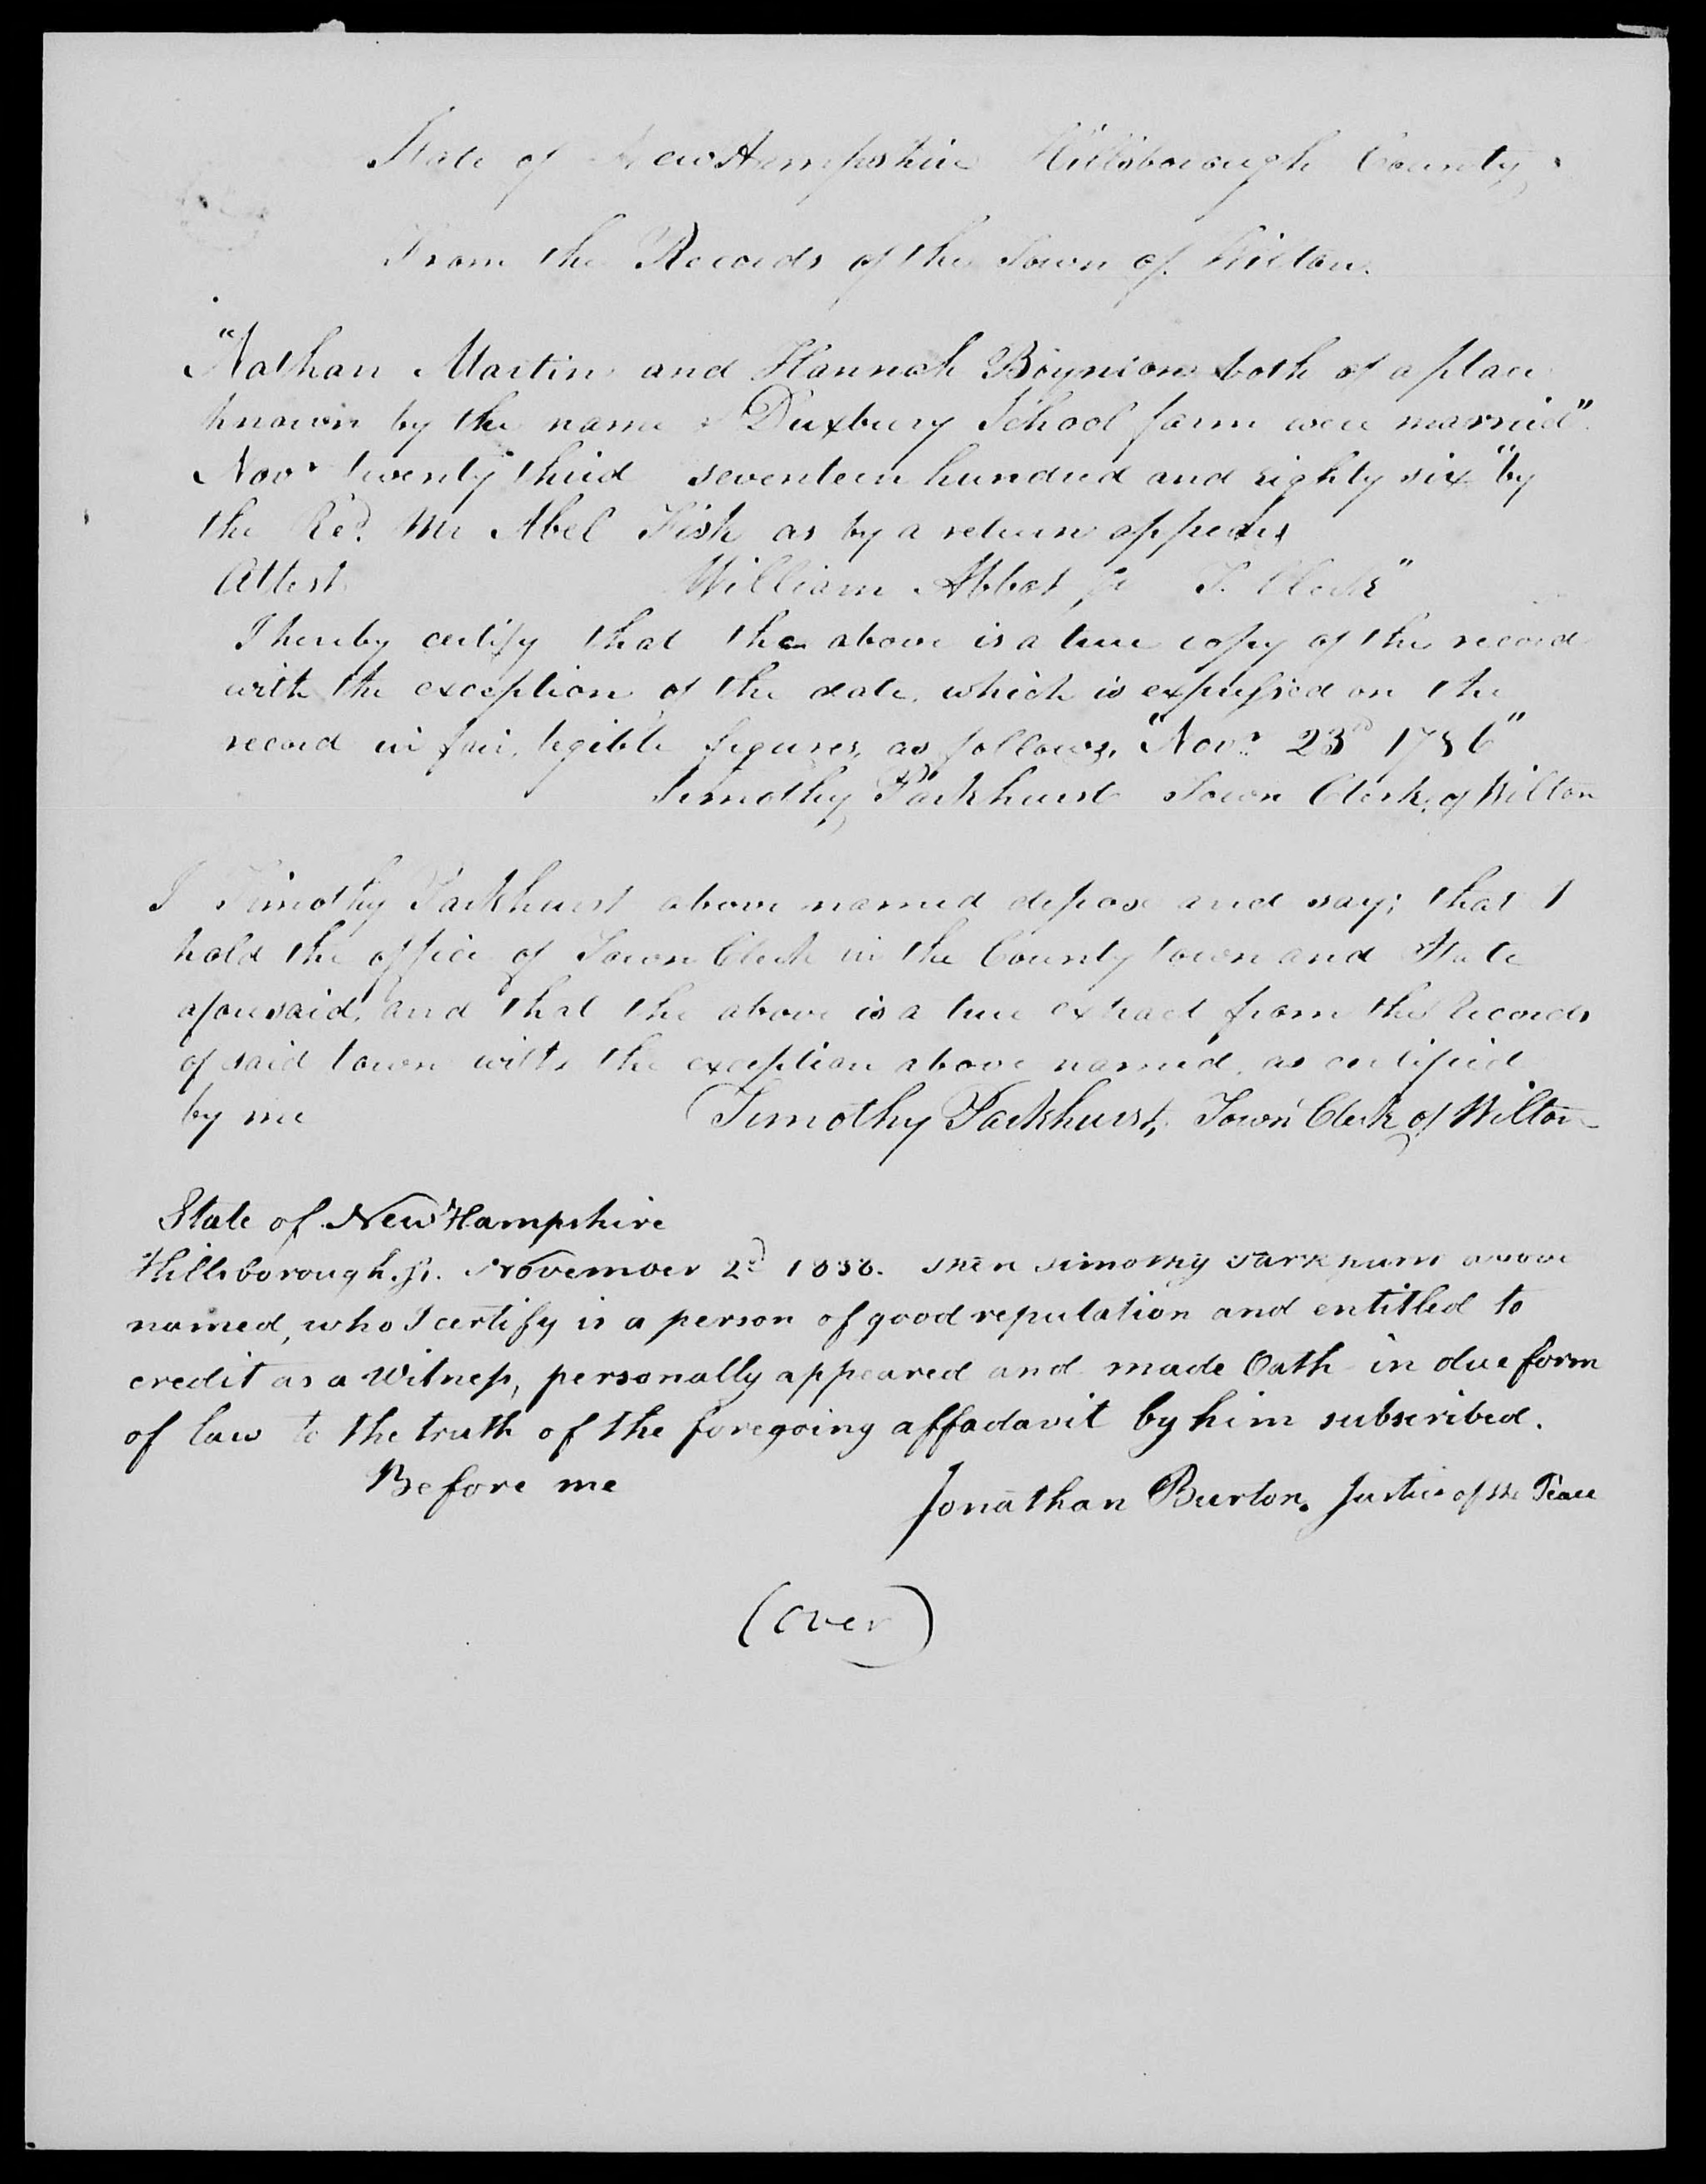State of New Hampshire Hillsborough County
from the Records of the Town of Wilton
Nathan Martin and Hannah Boynton both of a place
known by the name Duxbury School farm were married.
Nov twenty third seventeen hundred and Eighty six by
the Rev Mr Abel Fish as by a return appears
Attest
[signature] William Abbot Clerk

I hereby certify that the above is a true copy of the record
with the exception of the date which is expressed on the
record in fair legible figures, as
follows, Novr 23rd 1786
[signature] Timothy Parkhurst Town Clerk of Wilton

I Timothy Parkhurst above named depose and say; that I
hold the office of Town Clerk in the County town and State
aforesaid, and that the above is a true extract from the Records
of said town with the exception above named as certified
by me
[signature] Timothy Parkhurst, Town Clerk of Wilton

State of New Hampshire
Hillsborough S. November 2nd 1838. Then Timothy Parkhurst above
named, who I certify is a person of good reputation and entitled to
credit as a witness, personally appeared and made oath in due form
of law to the truth of the foregoing affidavit by him subscribed
Before me
[signature] Jonathan Burton, Justice of the Peace
(over)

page: 17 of 30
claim: widow's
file: W. 23,904, for Nathan Martin, New Hampshire